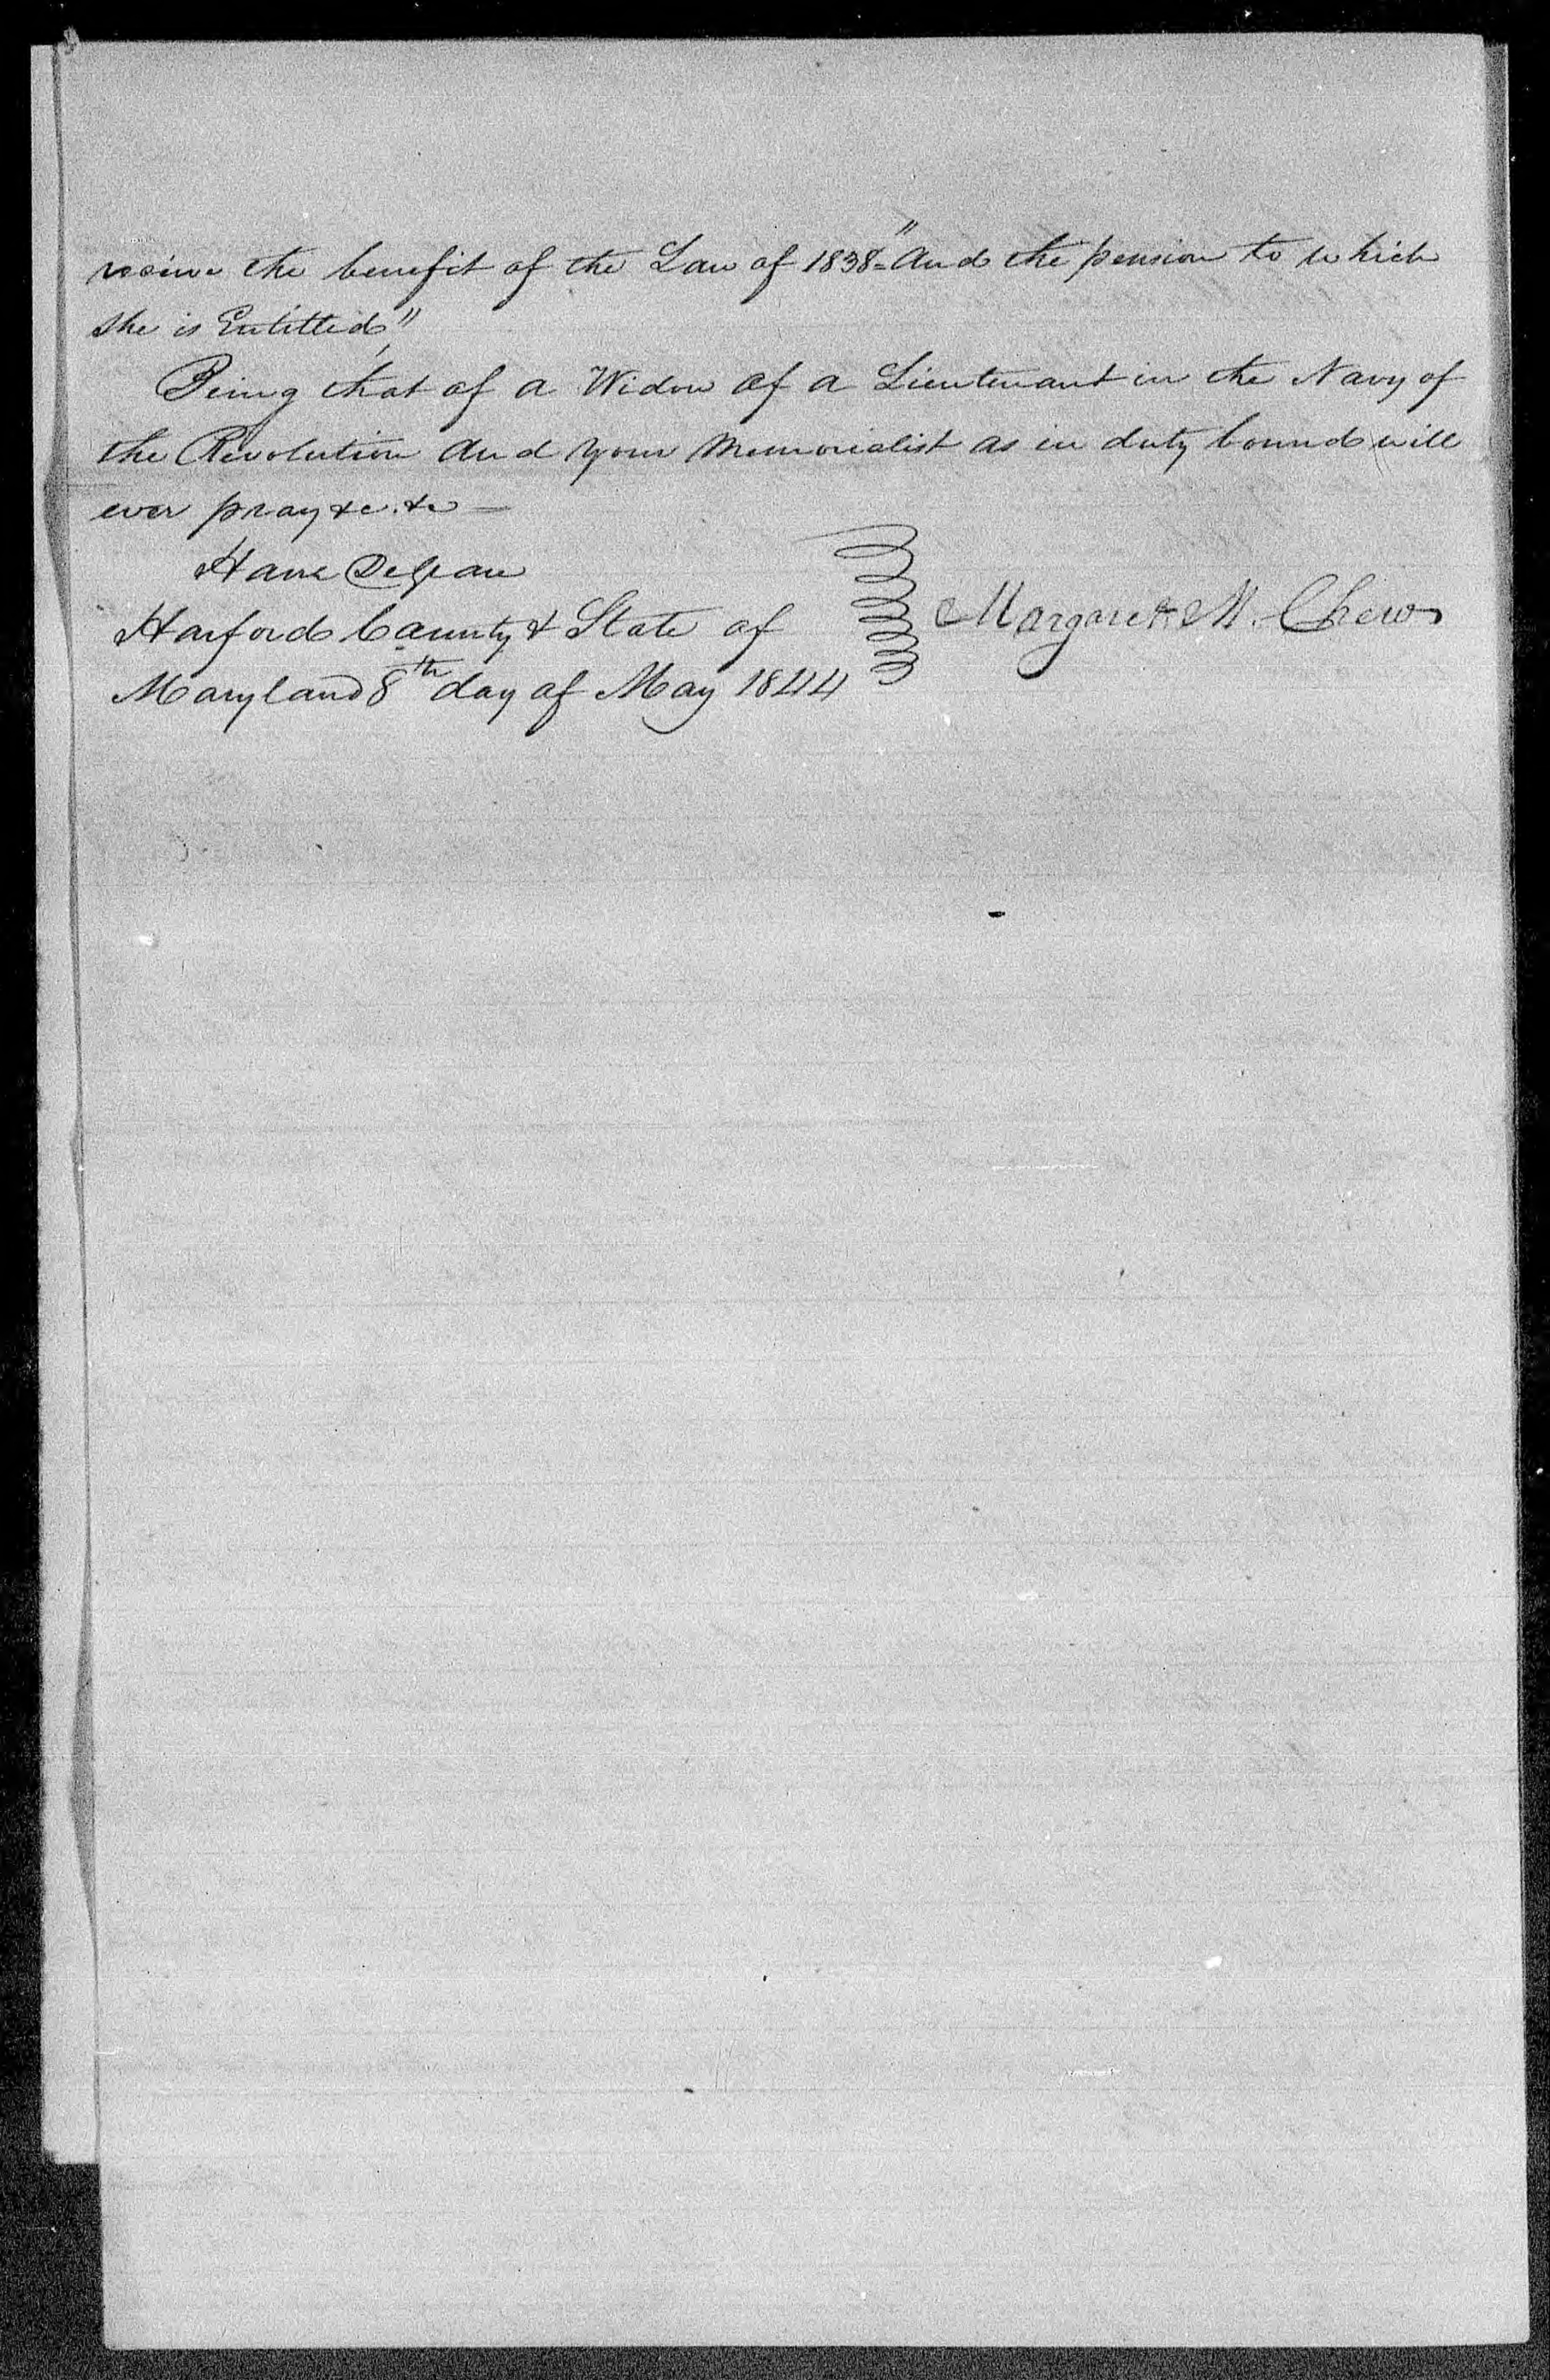receive the benefit of the Law of 1838 "And the pension to which she is entitled."

Being that of a widow of a Lieutenant in the Navy of the Revolution and your memorialist as in duty bound will ever pray and cite.

Havre De Grace
Harford County and State of Maryland, 8th day of May 1844

Margaret M. Chew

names: Margaret M Chew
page: 5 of 59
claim: widow's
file: W. 9383, Nathaniel Chew, Navy (Md.)